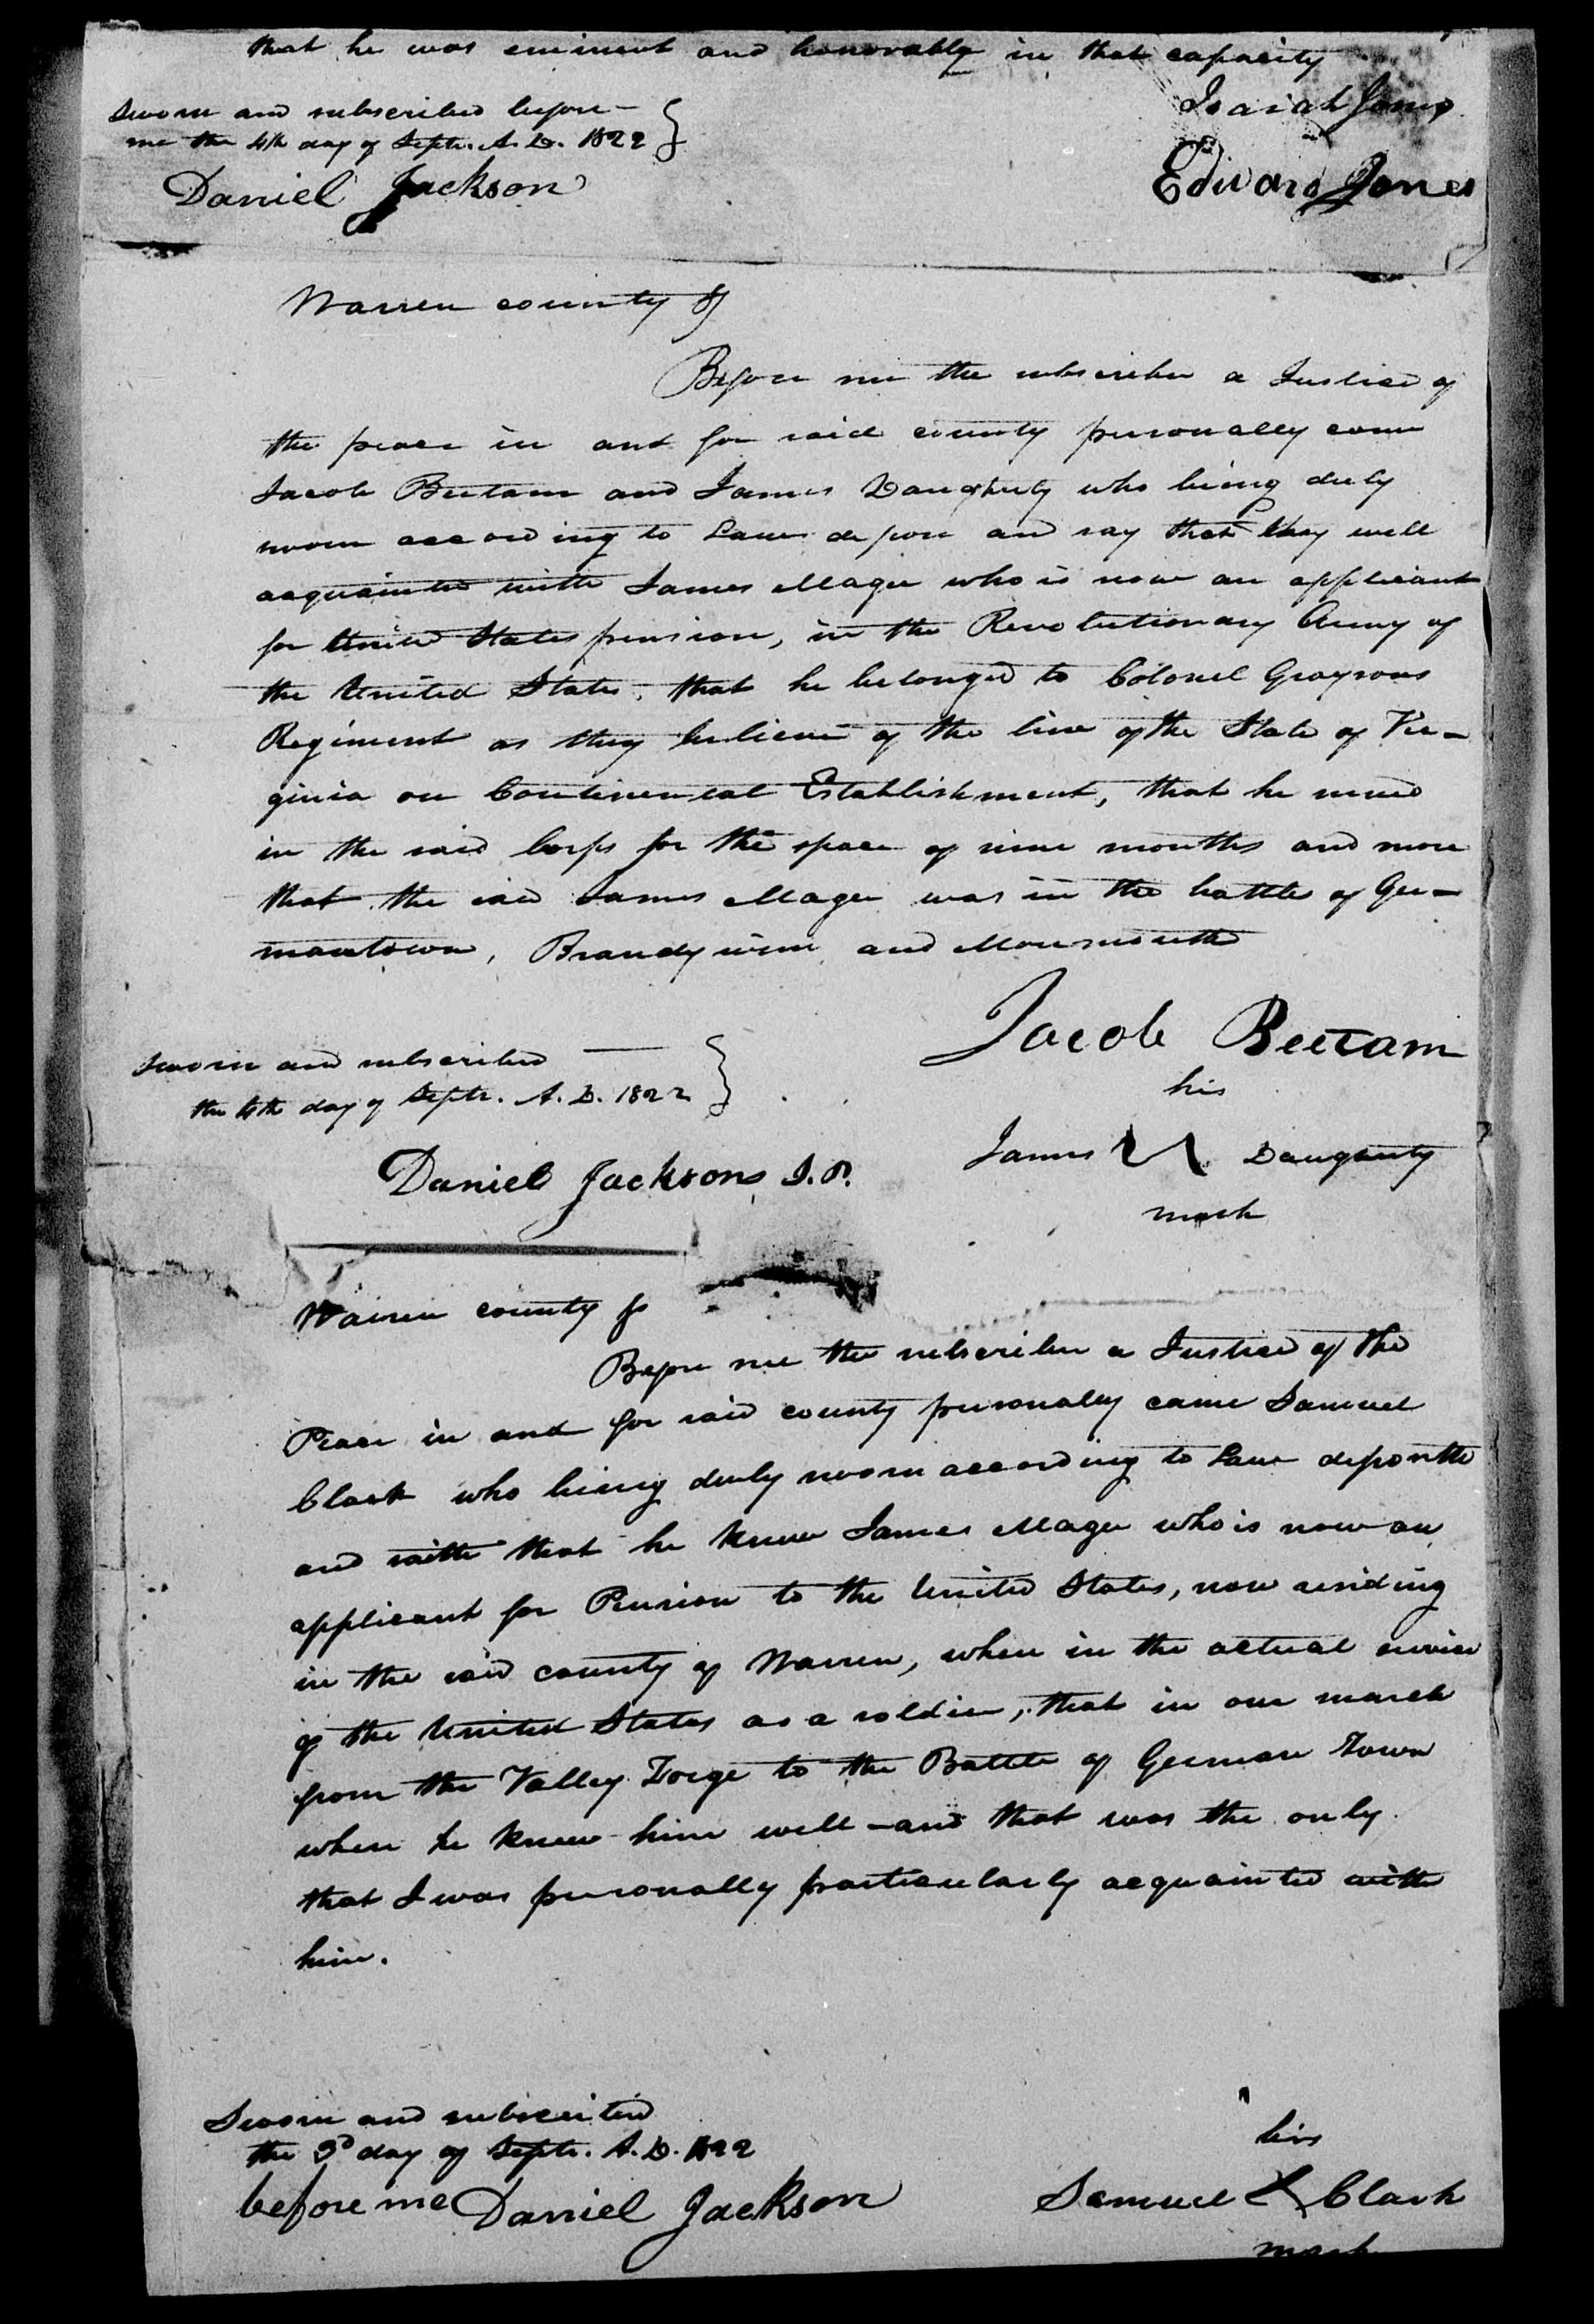that he was eminent and honorably in that capacity.
Isaiah Jones
Edward Jones
Sworn and subscribed before }
Me on the 4th day of Sept. A.D. 1822 }
Daniel Jackson

Warren County ss
Before me the subscriber a Justice of the peace in and for said County personally came Jacob Bertam and James Daugherty who being duly sworn according to Law depose and say that they will acquainted with James Magee who is now an applicant for United States pension, in the Revolutionary Army of the United States, that he belonged to Colonel Grayons Regiment as they believe of the line of the State of Virginia on Continental Establishment, that he and in the said corps for the space of nine months and more that the said James Magee was in the battles of Gemantown, Brandywine and Monmouth.
Jacob Bertam
James (his mark) Daugherty
Sworn and subscribed - }
the 4th day of Sept. A.D. 1822 }

Warren County ss

Before me the subscriber a Justice of the Peace in and for said County personally came Samuel Clark who being duly sworn according to law deponeth and with that he knew James Magee who is now on applicant for Pension to the United States, now residing in the said County of Warren, when in the actual service of the United States as a soldier, that in our march from the Valley Forge to the Battle of German Town when he knew him well and that was the only that I was personally particularly acquainted with him.
Samuel{his mark} Clark

Sworn and subscribed the 3d day of Sept. A.D. before me Daniel Jackson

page: 42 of 77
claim: widow's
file: W 2954, for James Mc Gee, Delaware